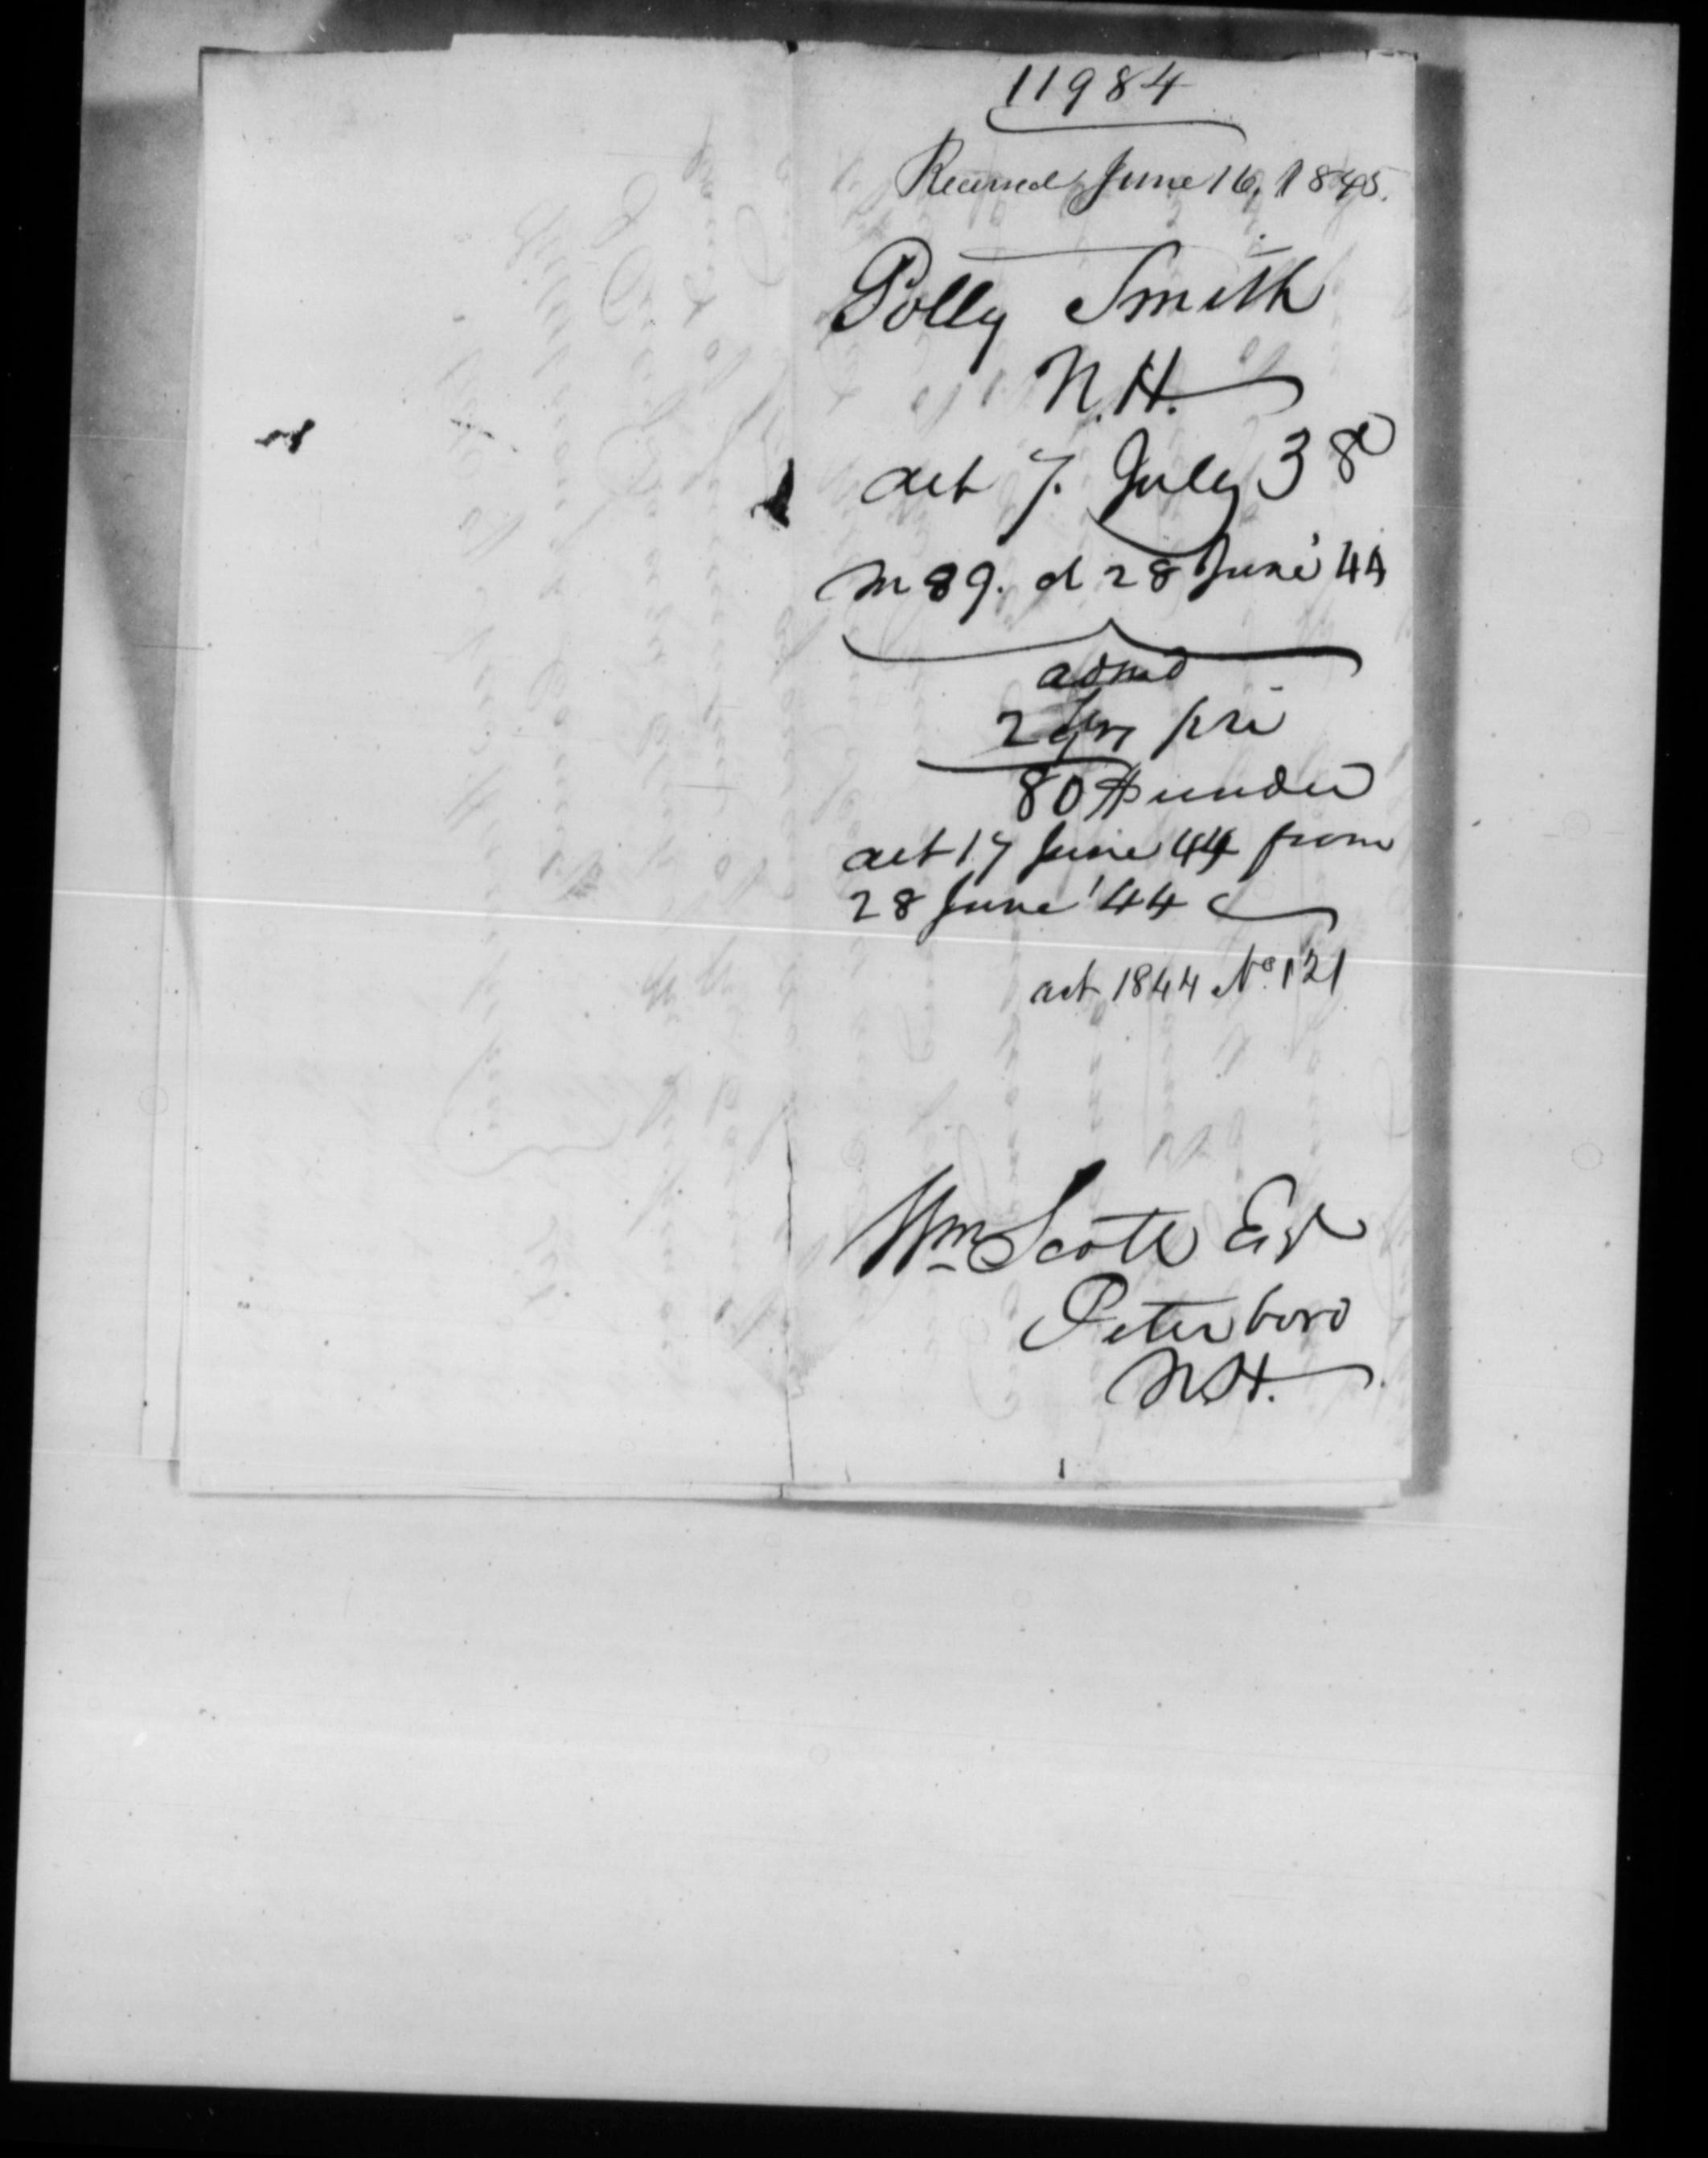19984
Received June 16, 1845
Polly Smith
N.H.
Act 7 July 38
- 89 – 28 June 44
2 ---
80 ----
Act 17 June 44 from June 44
Act 1844 No121
WM Scott Petersboro N.H.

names: Polly Smith; Wm Scott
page: 13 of 55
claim: widow's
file: W 19058, for James Smith, Massachusetts